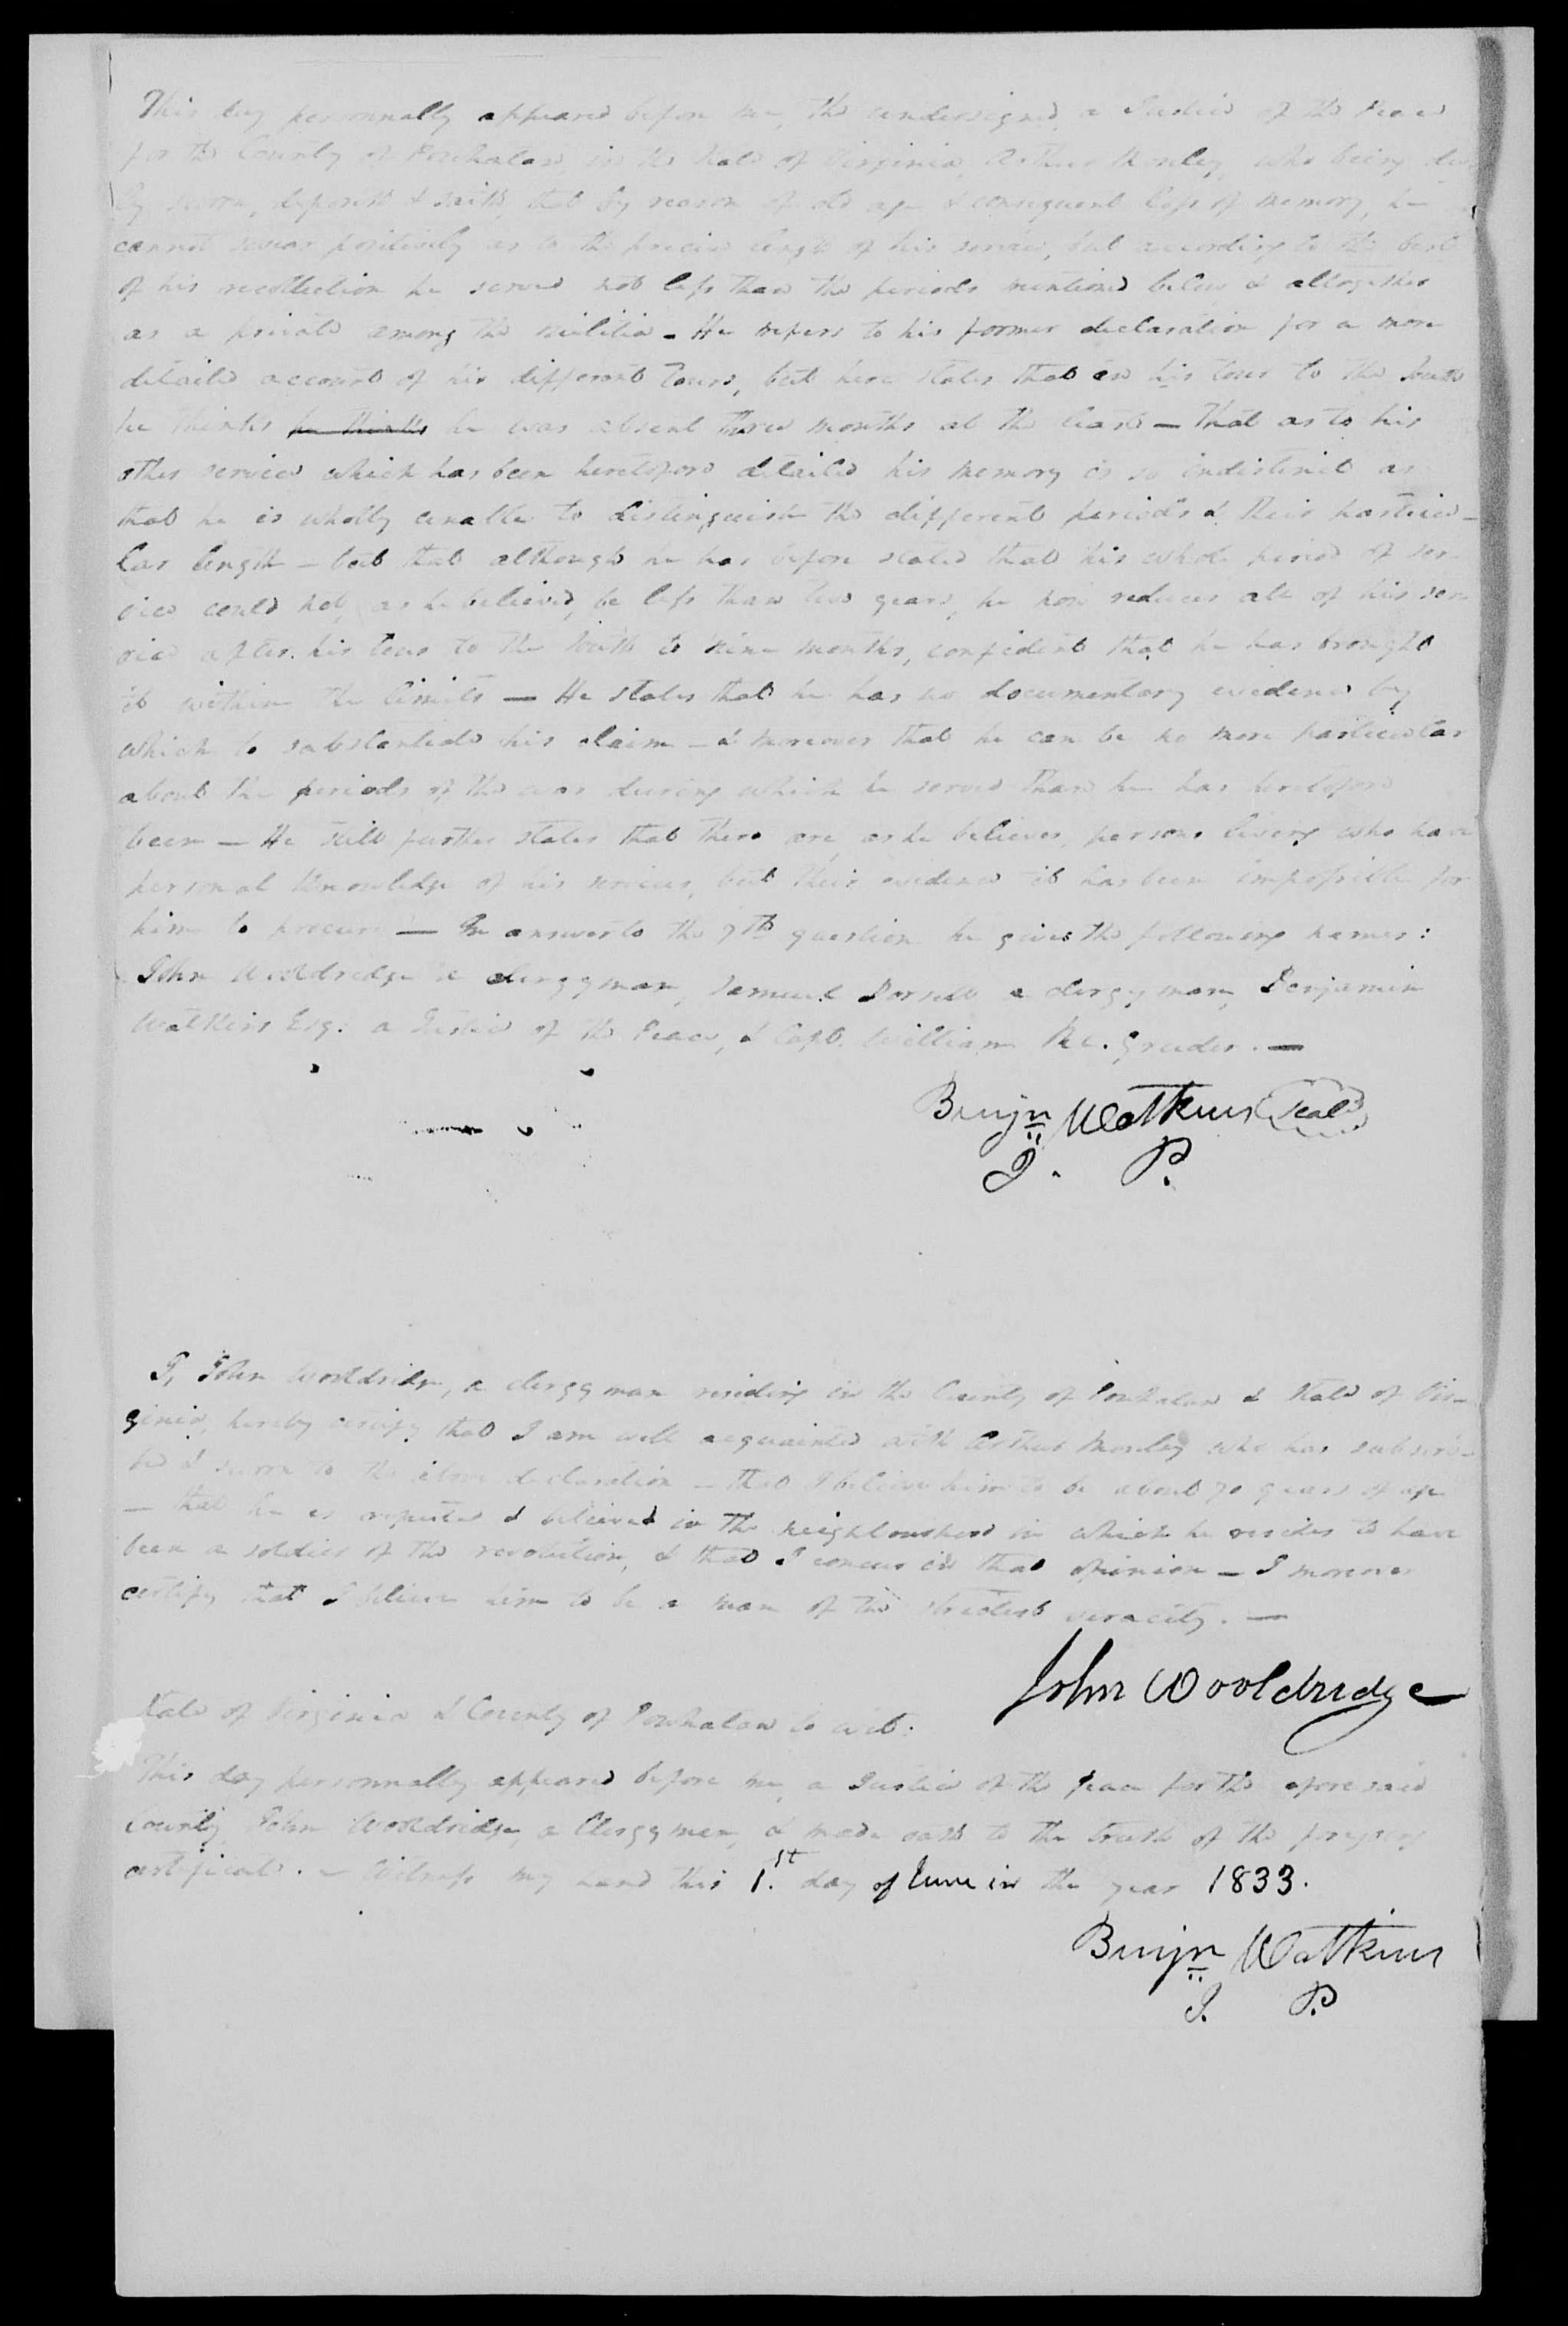This day personally [personally] appeared before me, the undersigned, a Justice of the Peace for the County of Powhatan, in the state of Virginia, Arthur Moseley, who being duly sworn, deposeth & saith that by reason of old age & consequent loss of memory, he cannot swear positively as to the precise length of service, but according to the best of his recollection he served not less than the periods mentioned below & altogether as a private among the militia – He refers to his former declaration for a more detailed account of his different tours, but here notes that on his tour to the South he thinks [illegible crossed out text] he was absent three months at the least – That as to his other service which has been heretofore detailed his memory is so indistinct as that he is wholly unable to distinguish the different periods & their particular length – but that although he has before stated that his whole period of service could not as he believed be less than two years, he has reduced all of his service after his tour to the South to nine months, confident that he has brought it within the limits – He states that he has no documentary evidence by which to substantiate his claim- & moreover that he can be no more particular about the periods of the war during which he served than he has heretofore been – He still further states that there are, as he believes, persons living who have formal knowledge of his services, but their evidence it has been impossible for him to procure – in answer to the 7th question he gives the following names:  John Wooldridge a clergyman, Samuel Dorsett a clergyman, Benjamin Watkins Esq. a Justice of the Peace, & Capt. William McGruder. –

Benjamin Watkins [illegible]
J. P. 

I, John Wooldridge, a clergyman residing in the County of Powhatan and State of Virginia, hereby certify that I am well acquainted with Arthur Moseley who has subscribed & sworn to the above declaration – that I believe him to be about 70 years of age – that he is respected and believed in the neighbourhood in which he resides to have been a soldier of the revolution, & that I concur in that opinion – I moreover certify that I believe him to be a man of the strictest veracity. – 

John Wooldridge

State of Virginia & County of Powhatan to wit:

This day personally [personally] appeared before me a Justice of the Peace for the aforesaid County, John Wooldridge, a Clergyman, & made oath to the truth of the aforegoing certificate. – Witness my hand this 1st day of June in the year 1833.
  
Benjn Watkins
J. P.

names: Samuel Dorsett; Arthur Moseley; William Mc Gruder; Benjamin Watkins; John Wooldridge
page: 6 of 21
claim: survivor's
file: S. 7240, for Arthur Moseley, Virginia